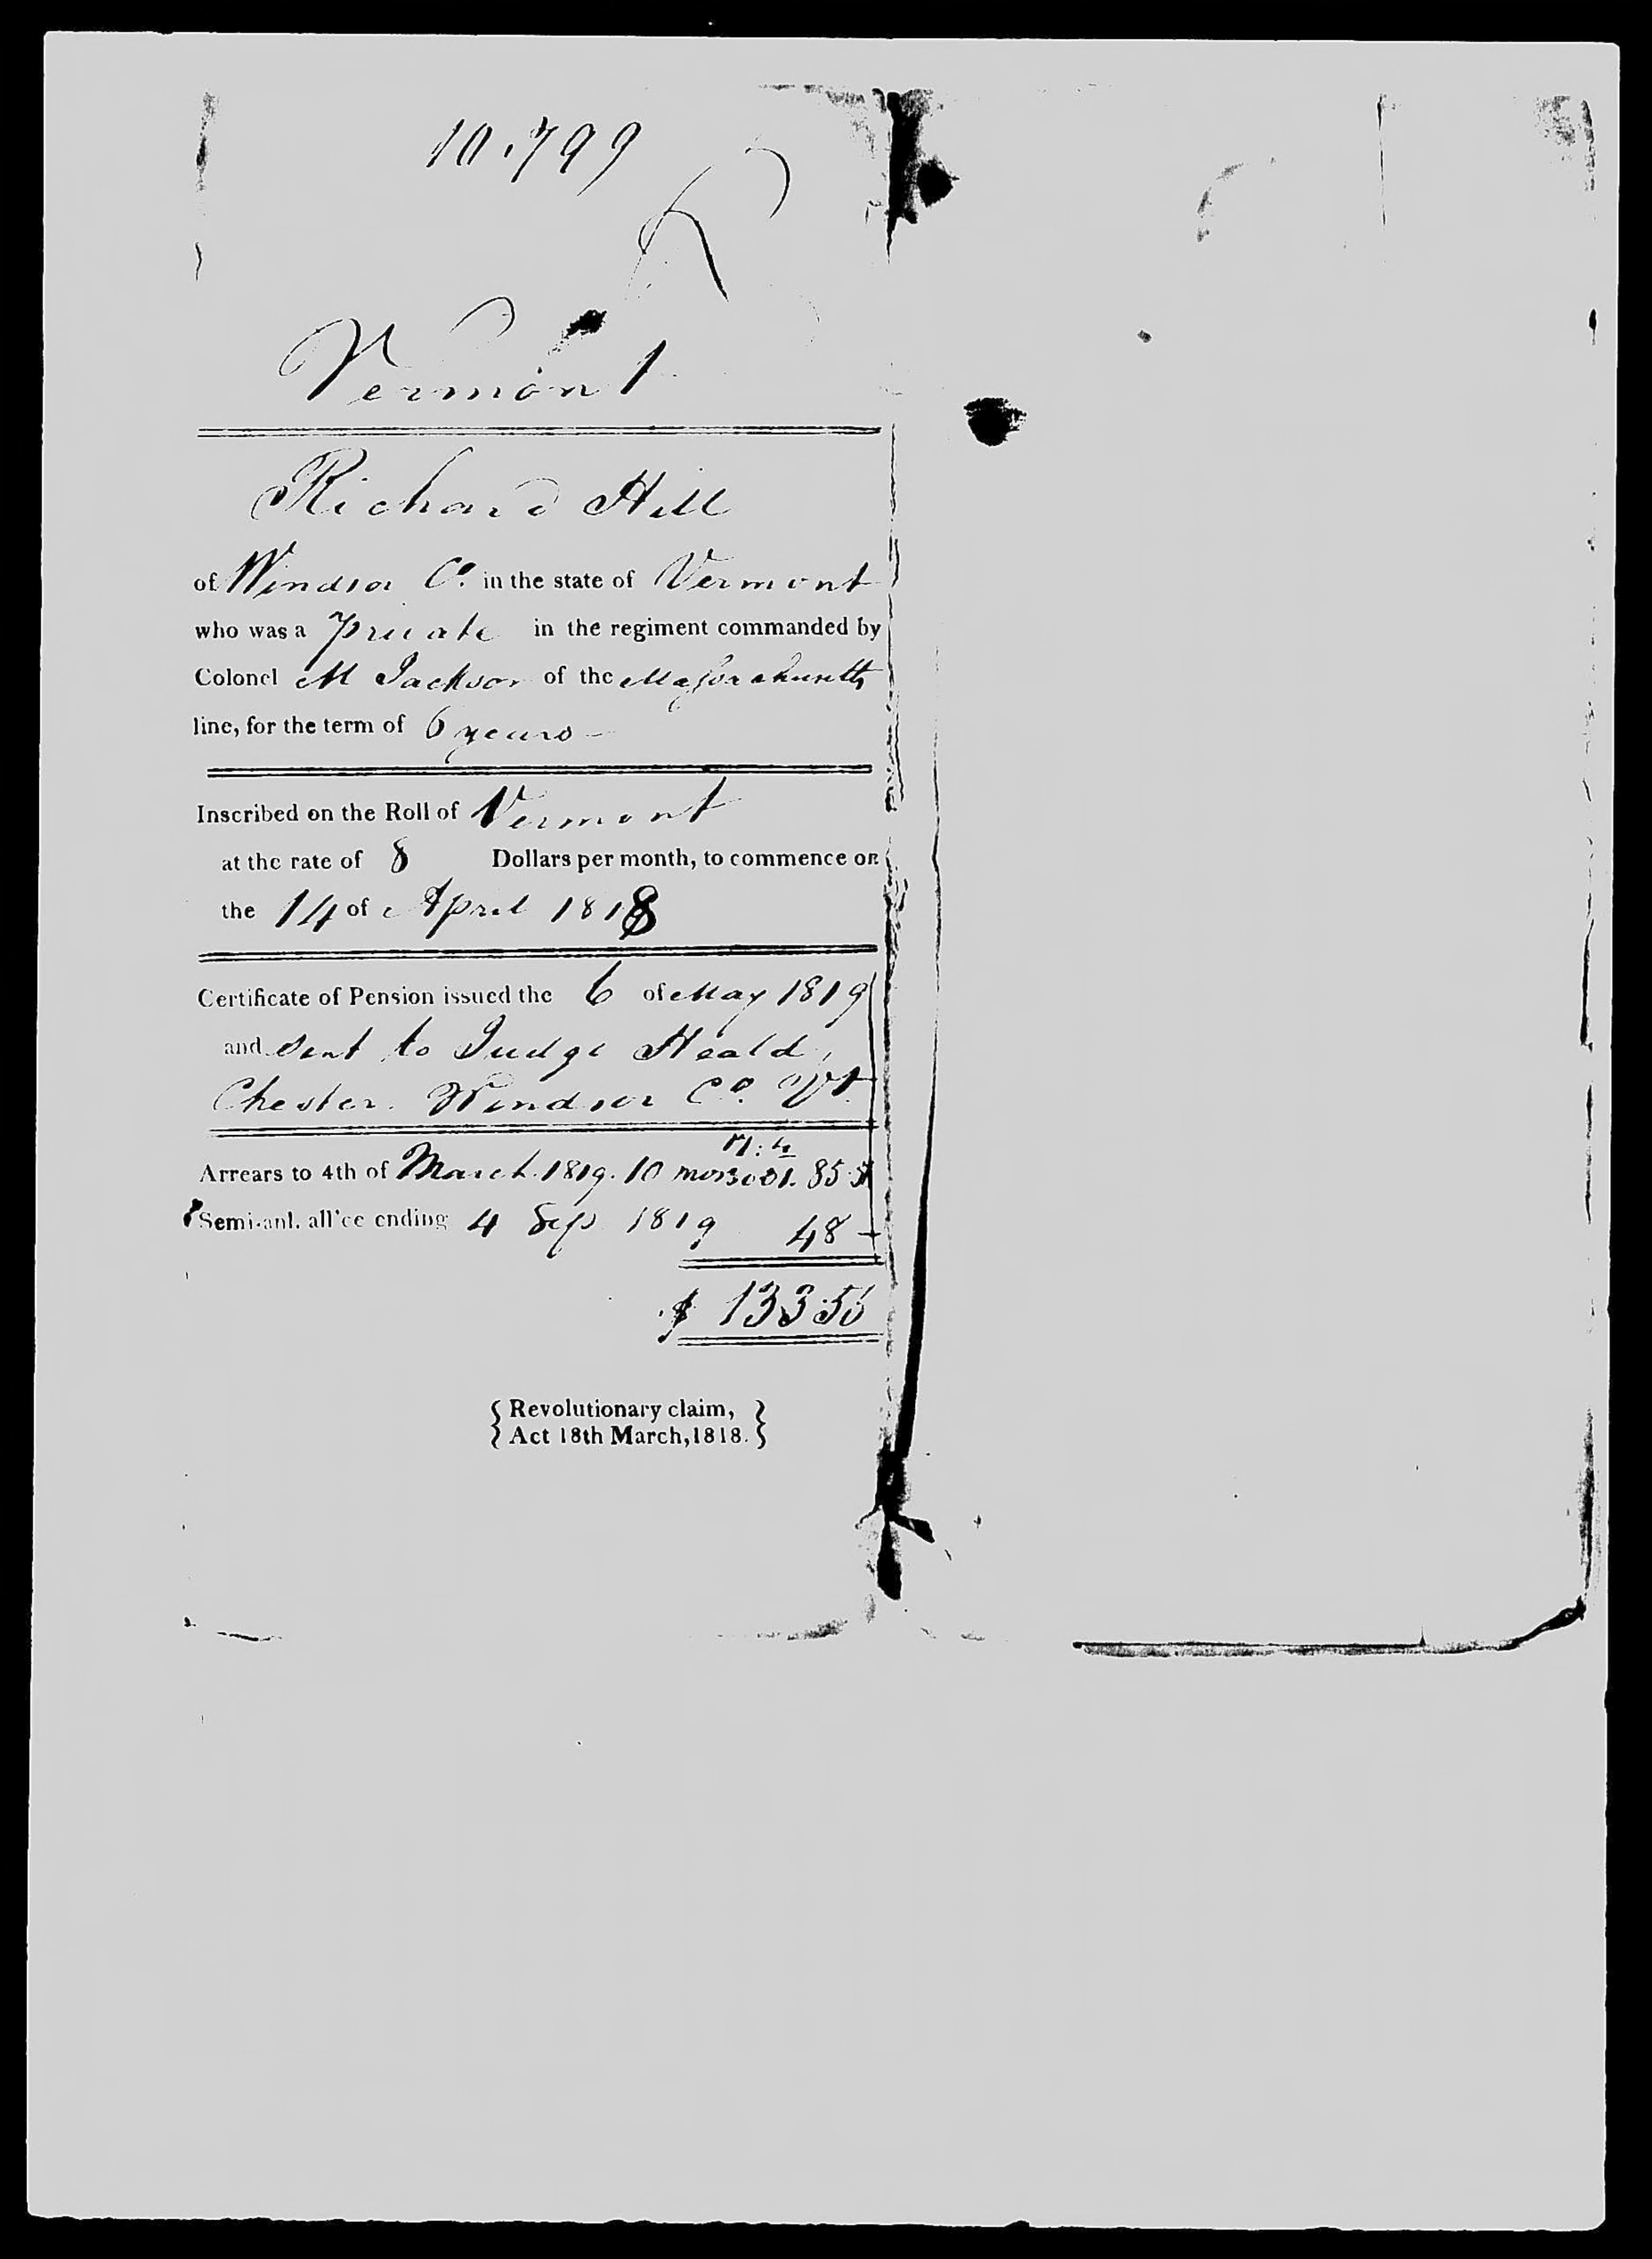10.799
Vermont
Richard Hill
 of  Windsor, Co.  in the state of  Vermont
 who was a  private  in the regiment commanded by
Colonel  M. Jackson  of the  Massachusetts
 line, for the term of  6 years.
_____________________
 Inscribed on the Roll of  Vermont
 at the rate of  8  Dollars per month, to commence on
the  14  of  April 1818.
_____________________
 Certificate of Pension issued the  6  of  May 1819
 and  sent to Judge Heald
Chester, Windsor Co. Vt.
_____________________
 Arrears to 4th of  March 1819. 10 months 85.55 [There is an unreadable entry above the rate.]
 Semi-anl. all'ce ending  4 Sep. 1819 48-
$133.55

{Revolutionary claim, Act of 18th March, 1818.}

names: Richard Hill, Heald, M Jackson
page: 3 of 7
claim: survivor's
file: S 39,687, Richard Hill, Mass.